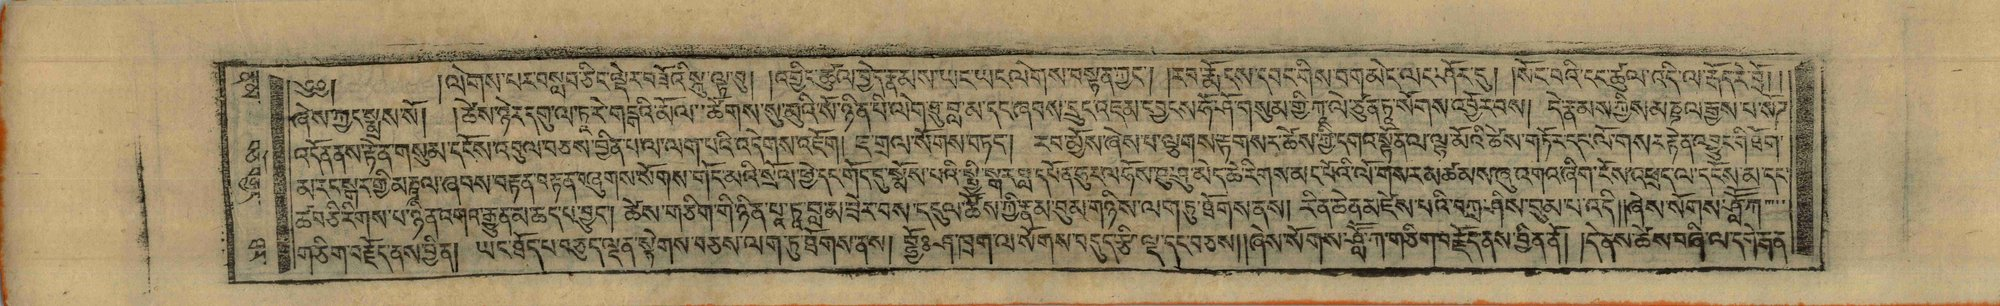༄༅། །ལེགས་པར་བསླབ་ཅིང་ལྡེར་བཟོའི་སྐུ་ལྟ་བུ། །འགྱིང་ཚུལ་བྱེད་རྣམས་ཡང་ཡང་ལེགས་བསྟན་ཀྱང་། །རབ་རྨོངས་དབང་གིས་བག་མེད་ལང་ཤོར་དུ། །སོང་བའི་ངང་ཚུལ་འདི་ལ་རྒོད་རེ་བྲོ། །
ཞེས་ཀྱང་སྨྲས་སོ། །ཚེས་ཉེར་དགུ་ལ་ཏཱ་རེ་གངྒའི་མོལ་ཚོགས་སུ་མུའི་སོ་ཉིན་པི་ལེག་ཐུ་བླ་མ་དང་ཞབས་དྲུང་འཇམ་དབྱངས་ཧོ་ཤོ་གསུམ་གྱི་ཀཱ་ལེ་ཙུན་ཏཱ་སོགས་འབྱོར་བས། དེ་རྣམས་ཀྱིས་མཎྜལ་རྒྱས་པ་སོགས་
འདོན་ནས་རྟེན་གསུམ་དངོས་འབུལ་བཅས་བྱིན་པ་ལ་ལག་པའི་འདེགས་འཇོག །ཇ་གྲལ་སོགས་བཏང་། རབ་མྱོས་ཞེས་པ་ལྕགས་རྟག་གསར་ཚེས་ཀྱི་དགའ་སྟོན་ལ་ལྷ་མོའི་ཚེས་གཏོར་དང་ལོ་གསར་རྟེན་འབྱུང་གི་ཐོག་
མ་རང་སྒར་གྱི་མཎྜལ་ཞབས་བརྟན་བཞུགས་སོགས་གོང་མའི་སྲོལ་ཕྱེ་དང་གོང་དུ་སྨོས་པའི་སྤྱི་སྒར་བླ་དཔོན་ཧུར་ལ་ཧོས་ཐུ་ཤུ་མེད་ཆེ་རིགས་མང་པོའི་ལོ་གསར་མཚམས་ཞུ་འགའ་ཞིག་ངོས་འཕྲད་ལ་དངོས་མ་དང་
ཚབ་ཅི་རིགས་པ་ཉིན་འགའ་རྒྱུན་མ་ཆད་པ་བྱུང་། ཚེས་གཅིག་གི་ཉིན་པཱ་ཏཱ་བླ་མ་ཟེར་བས་དངུལ་ཚོས་ཀྱི་རྣམ་བུམ་གཉིས་ལག་ཏུ་ཐོགས་ནས། རིན་ཆེན་མཛེས་པའི་བཀྲ་ཤིས་བུམ་པ་འདི། །ཞེས་སོགས་ཤླཽ་ཀ་
གཅིག་བརྗོད་ནས་བྱིན། ཡང་ཐོད་པ་བཅུད་ལྡན་སྟེགས་བཅས་ལག་ཏུ་ཐོགས་ནས། བྷྱོཿ ཤ་ཁྲག་ལ་སོགས་བདུད་རྩི་ལྔ་དང་བཅས། །ཞེས་སོགས་ཤླཽ་ཀ་གཅིག་བརྗོད་ནས་བྱིན་ནོ། །དེ་ནས་ཚེས་བཞི་ལ་དགེ་རྒན་